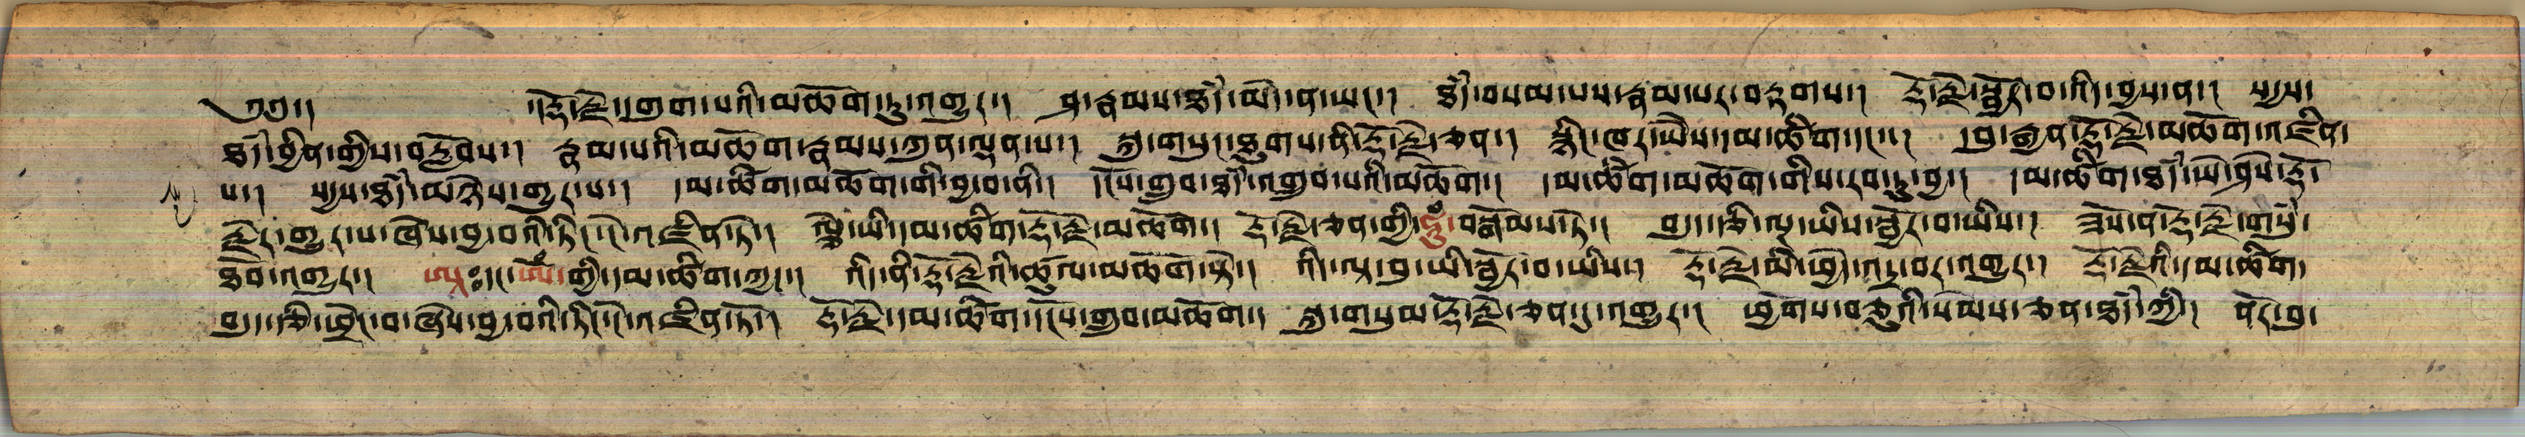༄༅་། ་།རྡོ་རྗེ་འགུག་པའི་མཆོག་ཏུ་འགྱུར་། ཤ་རྣམས་ཐཾད་མེད་ན་ཡང་། ཐཾད་བསམ་པས་རྣམ་པར་བརྟགས་། རྡོ་རྗེ་སྦྱོར་བ་འདི་བྱས་ན་། སདྱས་
ཐཾད་བྱིན་གྱིས་བརློབས་། རྣམ་པའི་མཆོག་རྣམས་ཀུན་ལྡན་པ་། སྐུ་གསུང་ཐུགས་ནི་རྡོ་རྗེ་ཅན་། སྙིང་ཁར་ཡཻས་དམ་ཚིག་དང་་། དབུ་རྒྱན་རྡོ་རྗེ་མཆོག་འཛིན་
པ་། སདྱས་ཐཾད་མཉེས་གྱུར་པ་། དམ་ཚིག་མཆོག་གི་བྱ་བ་ནི་། དངོས་གྲུབ་ཐཾད་འགྲུབ་པའི་མཆོག་། དམ་ཚིག་མཆོག་གིས་རབ་ཏུ་བྱ་། དམ་ཚིག་ཐཾད་ཡེ་ཤེས་རྡོ་
རྗེར་གྱུར་པ་ཞེས་བྱ་བའི་ཏིང་ངེ་འཛིན་ཏེ་། ལྕེ་ཡི་དམ་ཚིག་རྡོ་རྗེ་མཆོག་། རྡོ་རྗེ་ཅན་གྱི་ཧཱུཾ་བསྒོམས་ཏེ་། བདུད་རྩི་ལྔ་ཡིས་སྦྱོར་བ་ཡིས་། ཟོས་ན་རྡོ་རྗེ་གསུཾ་
ཐོབ་འགྱུར་། ཨཱཿདང་ཨོཾ་གྱི་དམ་ཚིག་ཀྱང་། འདི་ནི་རྡོ་རྗེའི་ཚུལ་མཆོག་སྟེ་། འདི་ལྟ་བུ་ཡི་སྦྱོར་བ་ཡིས་། རྡོ་རྗེ་མི་ཕྱེད་འདྲ་བར་འགྱུར་། རྡོ་རྗེའི་དམ་ཚིག་
བདུད་རྩི་ཕྲེང་བ་ཞེས་བྱ་བའི་ཏིང་ངེ་འཛིན་ཏོ་། རྡོ་རྗེ་དམ་ཚིག་དངོས་གྲུབ་མཆོག་། སྐུ་གསུམ་རྡོ་རྗེ་ཅན་དུ་འགྱུར་། ཕྱོགས་བཅུའི་སེམས་ཅན་ཐཾད་ཀྱི་། ནོར་བུ་